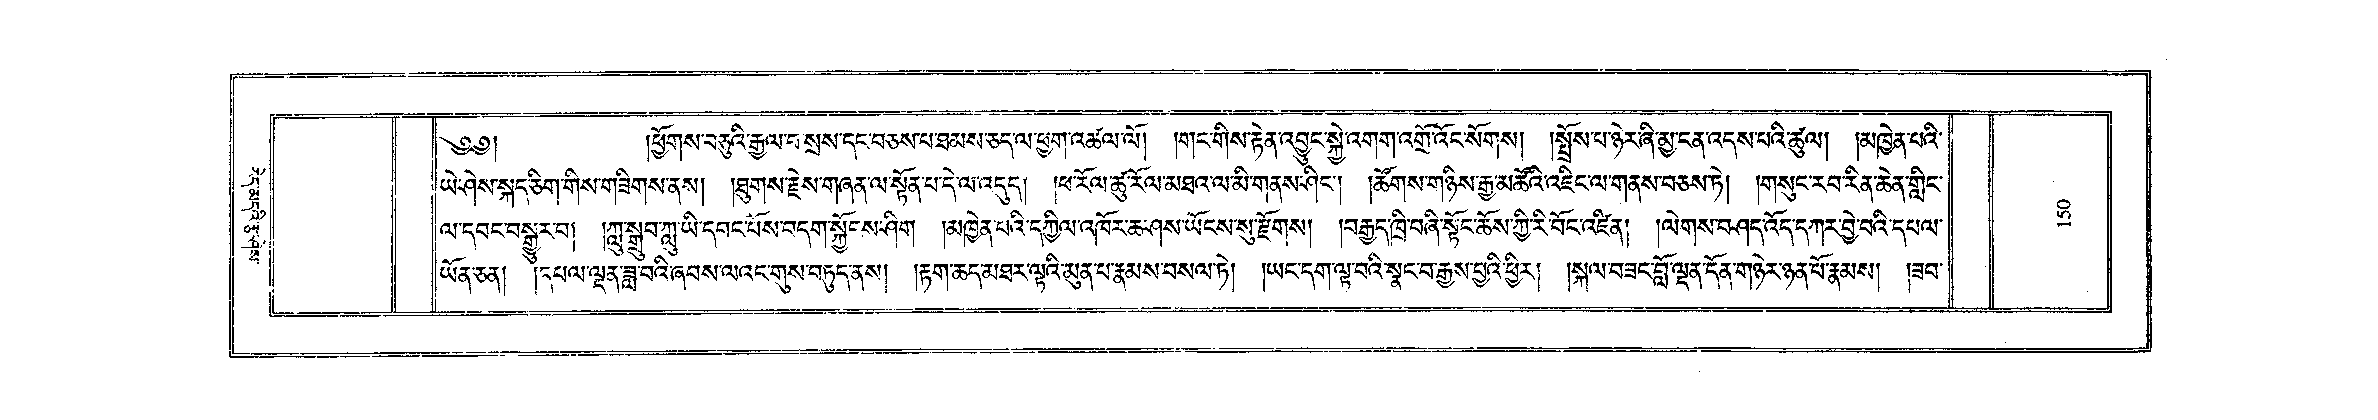༄༅། །ཕྱོགས་བཅུའི་རྒྱལ་བ་སྲས་དང་བཅས་པ་ཐམས་ཅད་ལ་ཕྱག་འཚལ་ལོ། །གང་གིས་རྟེན་འབྱུང་སྐྱེ་འགག་འགྲོ་འོང་སོགས། །སྤྲོས་པ་ཉེར་ཞི་མྱ་ངན་འདས་པའི་ཚུལ། །མཁྱེན་པའི་
ཡེ་ཤེས་སྐད་ཅིག་གིས་གཟིགས་ནས། །ཐུགས་རྗེས་གཞན་ལ་སྟོན་པ་དེ་ལ་འདུད། །ཕ་རོལ་ཚུ་རོལ་མཐའ་ལ་མི་གནས་ཤིང་། །ཚོགས་གཉིས་རྒྱ་མཚོའི་འཇིང་ལ་གནས་བཅས་ཏེ། །གསུང་རབ་རིན་ཆེན་གླིང་
ལ་དབང་བསྒྱུར་བ། །ཀླུ་སྒྲུབ་ཀླུ་ཡི་དབང་པོས་བདག་སྐྱོངས་ཤིག །མཁྱེན་པའི་དཀྱིལ་འཁོར་ཆ་ཤས་ཡོངས་སུ་རྫོགས། །བརྒྱད་ཁྲི་བཞི་སྟོང་ཆོས་ཀྱི་རི་བོང་འཛིན། །ལེགས་བཤད་འོད་དཀར་བྱེ་བའི་དཔལ་
ཡོན་ཅན། །དཔལ་ལྡན་ཟླ་བའི་ཞབས་ལའང་གུས་བཏུད་ནས། །རྟག་ཆད་མཐར་ལྟའི་མུན་པ་རྣམས་བསལ་ཏེ། །ཡང་དག་ལྟ་བའི་སྣང་བ་རྒྱས་བྱའི་ཕྱིར། །སྐལ་བཟང་བློ་ལྡན་དོན་གཉེར་ཉན་པོ་རྣམས། །ཟབ་